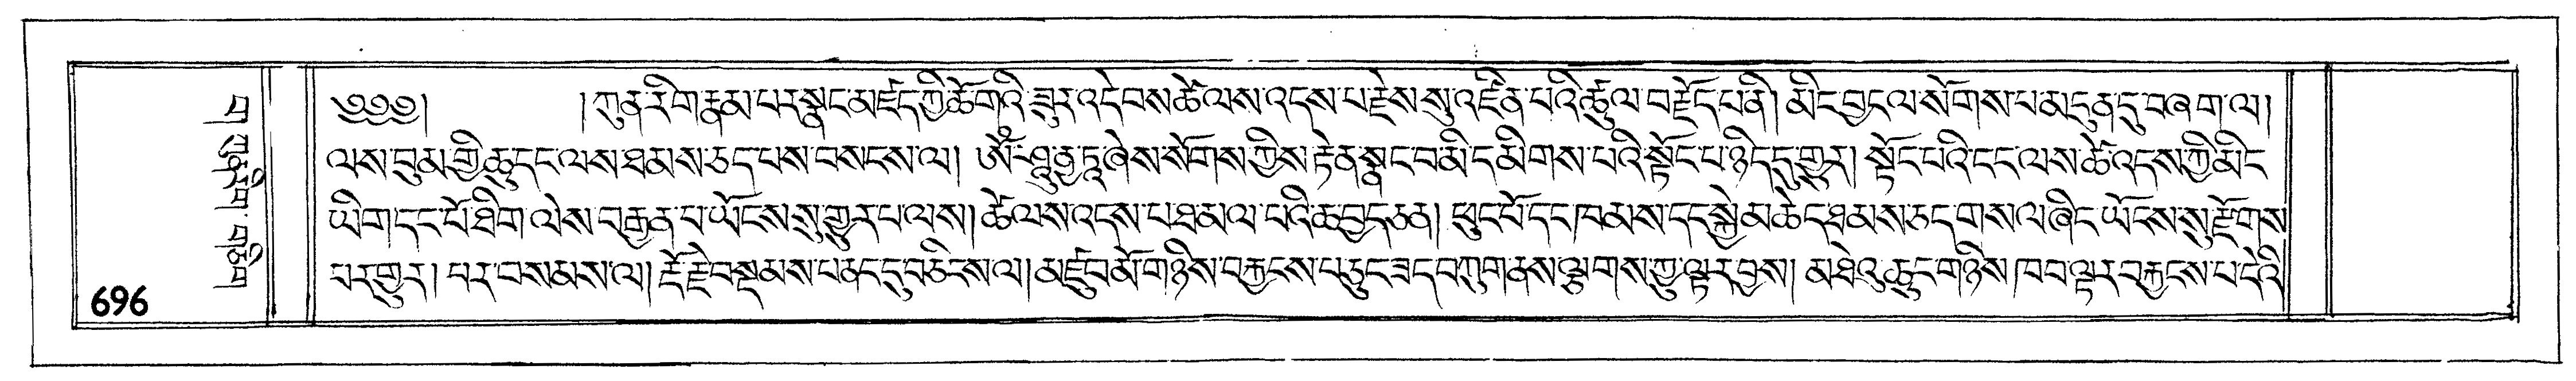༄༅༅། །ཀུན་རིག་རྣམ་པར་སྣང་མཛད་ཀྱི་ཆོ་གའི་ཟུར་འདེབས་ཚེ་ལས་འདས་པ་རྗེས་སུ་འཛིན་པའི་ཚུལ་བརྗོད་པ་ནི། མིང་བྱང་ལ་སོགས་པ་མདུན་དུ་བཞག་ལ།
ལས་བུམ་གྱི་ཆུ་དང་ལས་ཐམས་ཅད་པས་བསངས་ལ། ཨོཾ་ཤཱུ་ནྱ་ཏཱ་ཞེས་སོགས་ཀྱིས་རྟེན་སྣང་བ་མི་དམིགས་པའི་སྟོང་པ་ཉིད་དུ་གྱུར། སྟོང་པའི་ངང་ལས་ཚེ་འདས་ཀྱི་མིང་
ཡིག་དང་པོ་ཐིག་ལེས་བརྒྱན་པ་ཡོངས་སུ་གྱུར་པ་ལས། ཚེ་ལས་འདས་པ་ཐ་མལ་པའི་ཆ་བྱད་ཅན། ཕུང་པོ་དང་ཁམས་དང་སྐྱེ་མཆེད་ཐམས་ཅད་གསལ་ཞིང་ཡོངས་སུ་རྫོགས་
པར་གྱུར། པར་བསམས་ལ། རྡོ་རྗེ་བསྡམས་པ་ནང་དུ་བཅིངས་ལ། མཛུབ་མོ་གཉིས་བརྐྱངས་པ་ཅུང་ཟད་བཀུག་ནས་ལྕགས་ཀྱུ་ལྟར་བྱས། མཐེའུ་ཆུང་གཉིས་ཁབ་ལྟར་བརྐྱངས་པ་དེའི་